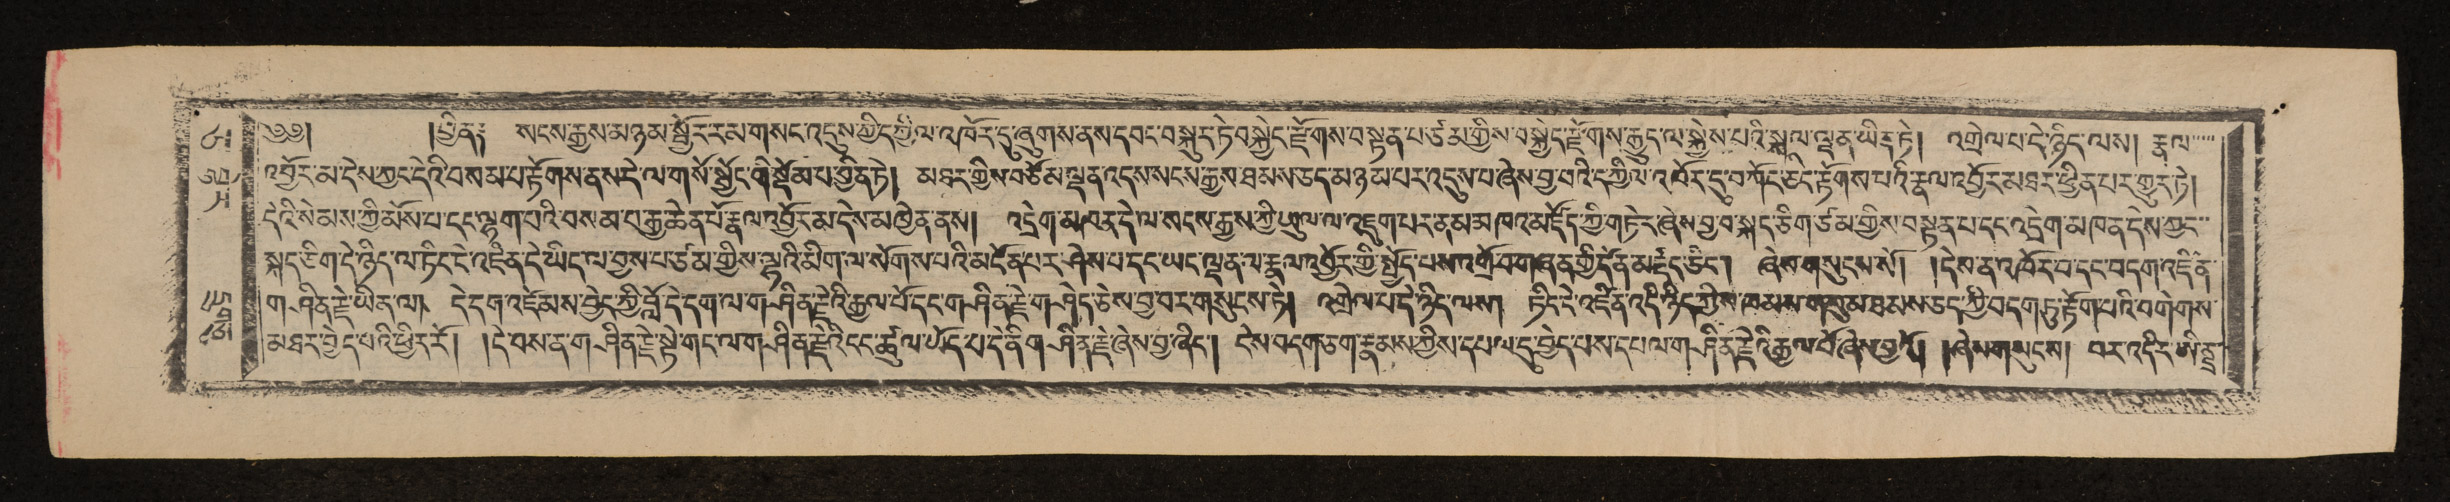༄༅། །བྱིན༑ སངས་རྒྱས་མཉམ་སྦྱོར་རམ་གསང་འདུས་ཀྱི་དཀྱིལ་འཁོར་དུ་ཞུགས་ནས་དབང་བསྐུར་ཏེ་བསྐྱེད་རྫོགས་བསྟན་པ་ཙམ་གྱིས་བསྐྱེད་རྫོགས་རྒྱུད་ལ་སྐྱེས་པའི་སྐལ་ལྡན་ཡིན་ཏེ། འགྲེལ་པ་དེ་ཉིད་ལས། རྣལ་
འབྱོར་མ་ངེས་ཀྱང་དེའི་བསམ་པ་རྟོགས་ནས་དེ་ལ་གསོ་སྦྱོང་གི་སྡོམ་པ་བྱིན་ཏེ། མཐར་གྱིས་བཅོམ་ལྡན་འདས་སངས་རྒྱས་ཐམས་ཅད་མཉམ་པར་འདུས་པ་ཞེས་བྱ་བའི་དཀྱིལ་འཁོར་དུ་བཀོད་ཅིང་རྟོགས་པའི་རྣལ་འབྱོར་མཐར་ཕྱིན་པར་གྱུར་ཏེ།
དེའི་སེམས་ཀྱི་མོས་པ་དང་ལྷག་པའི་བསམ་པ་རྒྱ་ཆེན་པོ་རྣལ་འབྱོར་མ་དེས་མཁྱེན་ནས། འདྲེག་མཁན་དེ་ལ་སངས་རྒྱས་ཀྱི་ཡུལ་ལ་འཇུག་པར་ནམ་མཁའ་མཛོད་ཀྱི་གཏེར་ཞེས་བྱ་བ་སྐད་ཅིག་ཙམ་གྱིས་བསྟན་པ་དང་འདྲེག་མཁན་དེས་ཀྱང་
སྐད་ཅིག་དེ་ཉིད་ལ་ཏིང་ངེ་འཛིན་དེ་ཡིད་ལ་བྱས་པ་ཙམ་གྱིས་ལྷའི་མིག་ལ་སོགས་པའི་མངོན་པར་ཤེས་པ་དང་ཡང་ལྡན་ལ་རྣལ་འབྱོར་གྱི་སྤྱོད་པས་འགྲོ་བ་གཞན་གྱི་དོན་མཛད་ཅིང་། ཞེས་གསུངས་སོ། །དེས་ན་འཁོར་བ་དང་བདག་འཛིན་
གཤིན་རྗེ་ཡིན་ལ། དེ་དག་འཇོམས་བྱེད་ཀྱི་བློ་དེ་དག་ལ་གཤིན་རྗེའི་རྒྱལ་པོ་དང་གཤིན་རྗེ་གཤེད་ཅེས་བྱ་བར་གསུངས་ཏེ། འགྲེལ་པ་དེ་ཉིད་ལས། ཏིང་ངེ་འཛིན་འདི་ཉིད་ཀྱིས་ཁམས་གསུམ་ཐམས་ཅད་ཀྱི་བདག་ཏུ་རྟོག་པའི་བགེགས་
མཐར་བྱེད་པའི་ཕྱིར་རོ། །དེ་བས་ན་གཤིན་རྗེ་སྟེ་གང་ལ་གཤིན་རྗེའི་ངང་ཚུལ་ཡོད་པ་དེ་ནི་གཤིན་རྗེ་ཞེས་བྱ་ཞིང་། དེས་བདག་ཅག་རྣམས་ཀྱིས་དཔལ་དུ་བྱེད་པས་དཔལ་གཤིན་རྗེའི་རྒྱལ་པོ་ཞེས་བྱའོ། །ཞེས་གསུངས། བར་འདིར་ཨིནྡྲ་